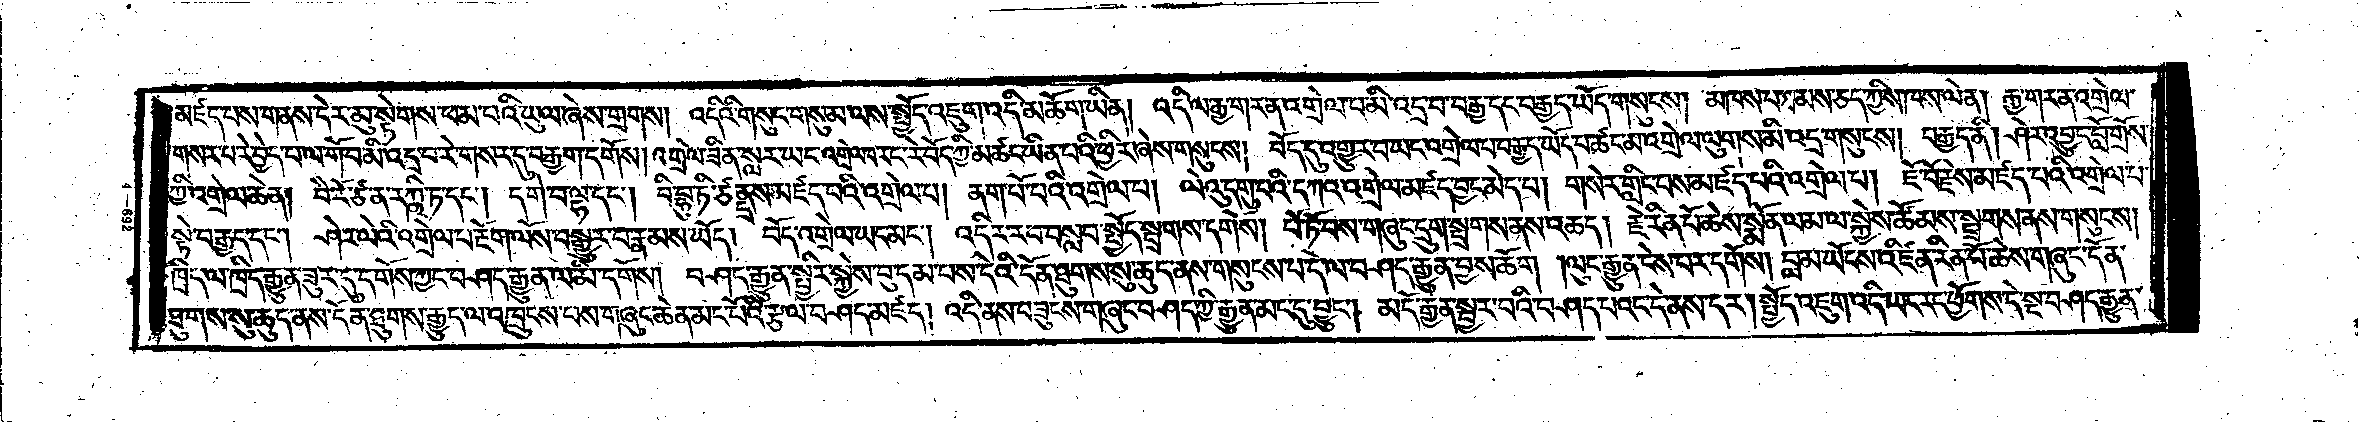མཚད་ལས་གནས་དེར་མུ་སྟེགས་ཕམ་པའི་ཡུལ་ཞེས་གྲགས། འདིའི་གསུང་གསུམ་ལས་སྤྱོད་འཇུག་འདི་མཆོག་ཡིན། འདི་ལ་རྒྱ་གར་ན་འགྲེལ་པ་མི་འདྲ་བ་བརྒྱ་དང་བརྒྱད་ཡོད་གསུངས། མཁས་པ་ཐམས་ཅད་ཀྱིས་ཁས་ལེན། རྒྱ་གར་ན་འགྲེལ་
གསར་བ་རེ་བྱེད་པ་ལ་གོ་བ་མི་འདྲ་བ་རེ་གསར་དུ་བརྒྱག་དགོས། འགྲེལ་ཟིན་སླར་ཡང་འགྲེལ་བ་རང་རེ་བོད་ཀྱི་མཚང་ཡིན་པའི་ཕྱིར་ཞེས་གསུངས། བོད་དུ་འགྱུར་བ་ཡང་འགྲེལ་པ་བརྒྱད་ཡོད་པ་ཚང་མ་འགྲེལ་ལུགས་མི་འདྲ་གསུངས། བརྒྱད་ནི། ཤེར་འབྱུང་བློ་གྲོས་
ཀྱི་འགྲེལ་ཆེན། བཻ་རོ་ཙ་ན་རཀྵི་ཏ་དང་། དགེ་བ་ལྷ་དང་། བི་བྷུ་ཏི་ཙནྡྲས་མཛད་བའི་འགྲེལ་པ། ནག་པོ་བའི་འགྲེལ་པ། ལེའུ་དགུ་པའི་དཀའ་འགྲེལ་མཛད་བྱང་མེད་པ། གསེར་གླིང་བས་མཛད་པའི་འགྲེལ་པ། ཇོ་བོ་རྗེས་མཛད་པའི་འགྲེལ་པ་
སྟེ་བརྒྱད་དང་། ཤེར་ལེའི་འགྲེལ་པ་རྔོག་ལོས་བསྒྱུར་པ་རྣམས་ཡོད། བོད་འགྲེལ་ཡང་མང་། འདིར་རབ་བསླབ་སྤྱོད་སྦྲགས་དགོས། པོ་ཏོ་བས་གཞུང་དྲུག་སྦྲགས་ནས་འཆད། རྗེ་རིན་པོ་ཆེས་སྨོན་ལམ་ལ་སྐྱེས་ཚོམས་སྦྲགས་ནས་གསུངས།
ཁྲིད་ལ་ཁྲིད་རྒྱུན་ཟུར་དུ་དགོས་ཀྱང་བཤད་རྒྱུན་ལ་མི་དགོས། བཤད་རྒྱུན་སྤྱིར་སྐྱེས་བུ་དམ་པས་དེའི་དོན་ཐུགས་སུ་ཆུད་ནས་གསུངས་པ་དེ་ལ་བཤད་རྒྱུན་བྱས་ཆོག །ལུང་རྒྱུན་ངེས་པར་དགོས། བླ་མ་ཡོངས་འཛིན་རིན་པོ་ཆེས་གཞུང་དོན་
ཐུགས་སུ་ཆུད་ནས་དོན་ཐུགས་རྒྱུད་ལ་འཁྲུངས་པས་གཞུང་ཆེན་མང་པོའི་རྩལ་བཤད་མཛད། འདི་ནས་བཟུངས་གཞུང་བཤད་ཀྱི་རྒྱུན་མང་དུ་བྱུང་། མདོ་རྒྱན་སྦྱར་བའི་བཤད་པའང་དེ་ནས་དར། སྤྱོད་འཇུག་འདི་ཡང་རང་ཕྱོགས་དེ་སྔ་བཤད་རྒྱུ་